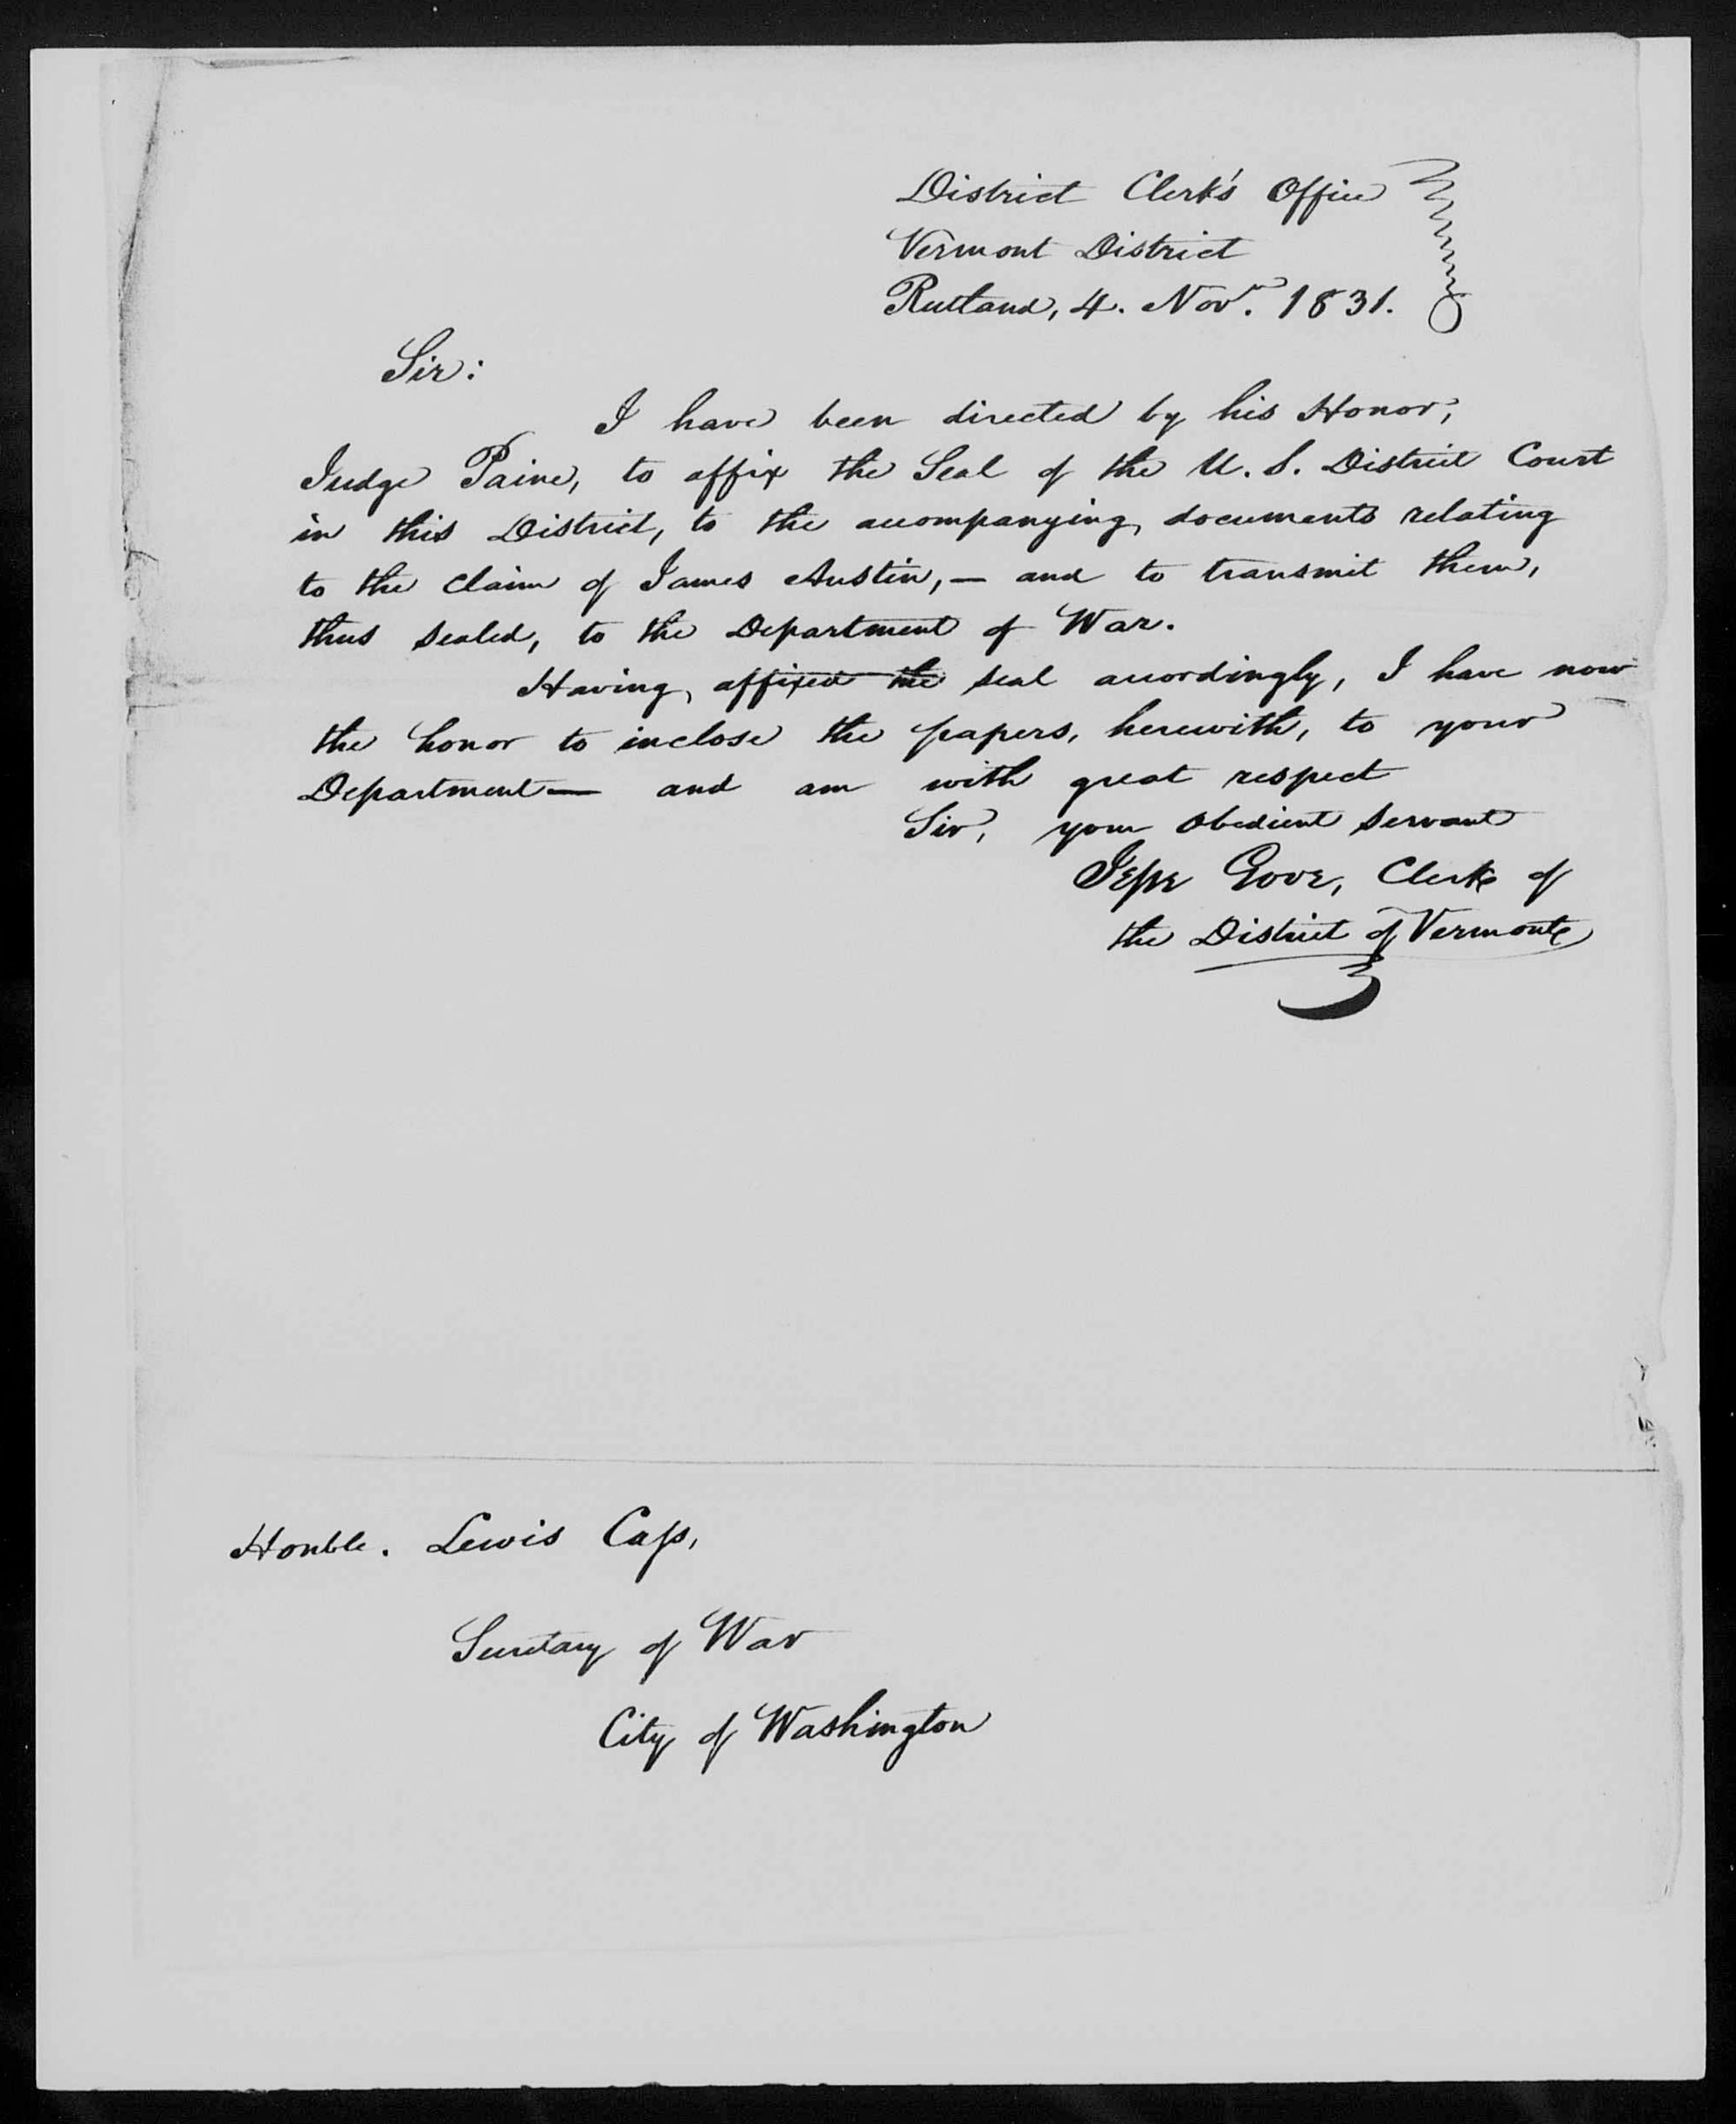District Clerk's Office
Vermont District
Rutland, 4. Nov. 1831
Sir:
I have been directed by his Honor, Judge Paine, to affix the Seal of the U.S. District Court in this District, to the accompanying documents relating to the claim of James Austin, _ and to transmit them, thus sealed, to the Department of War.
Having affixed the seal accordingly, I have now the honor to inclose [sic] the papers, herewith, to your department _ and am with great respect
Sir, your obedient Servant
Jepr Gove, Clerk of the District of District of Vermont

Honble. Lewis Cap,
Secretary of War
City of Washington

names: Honor, James Austin, Jesse Gove, Paine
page: 92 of 100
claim: survivor's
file: S 19186, James Austin, Conn. New York R.I.